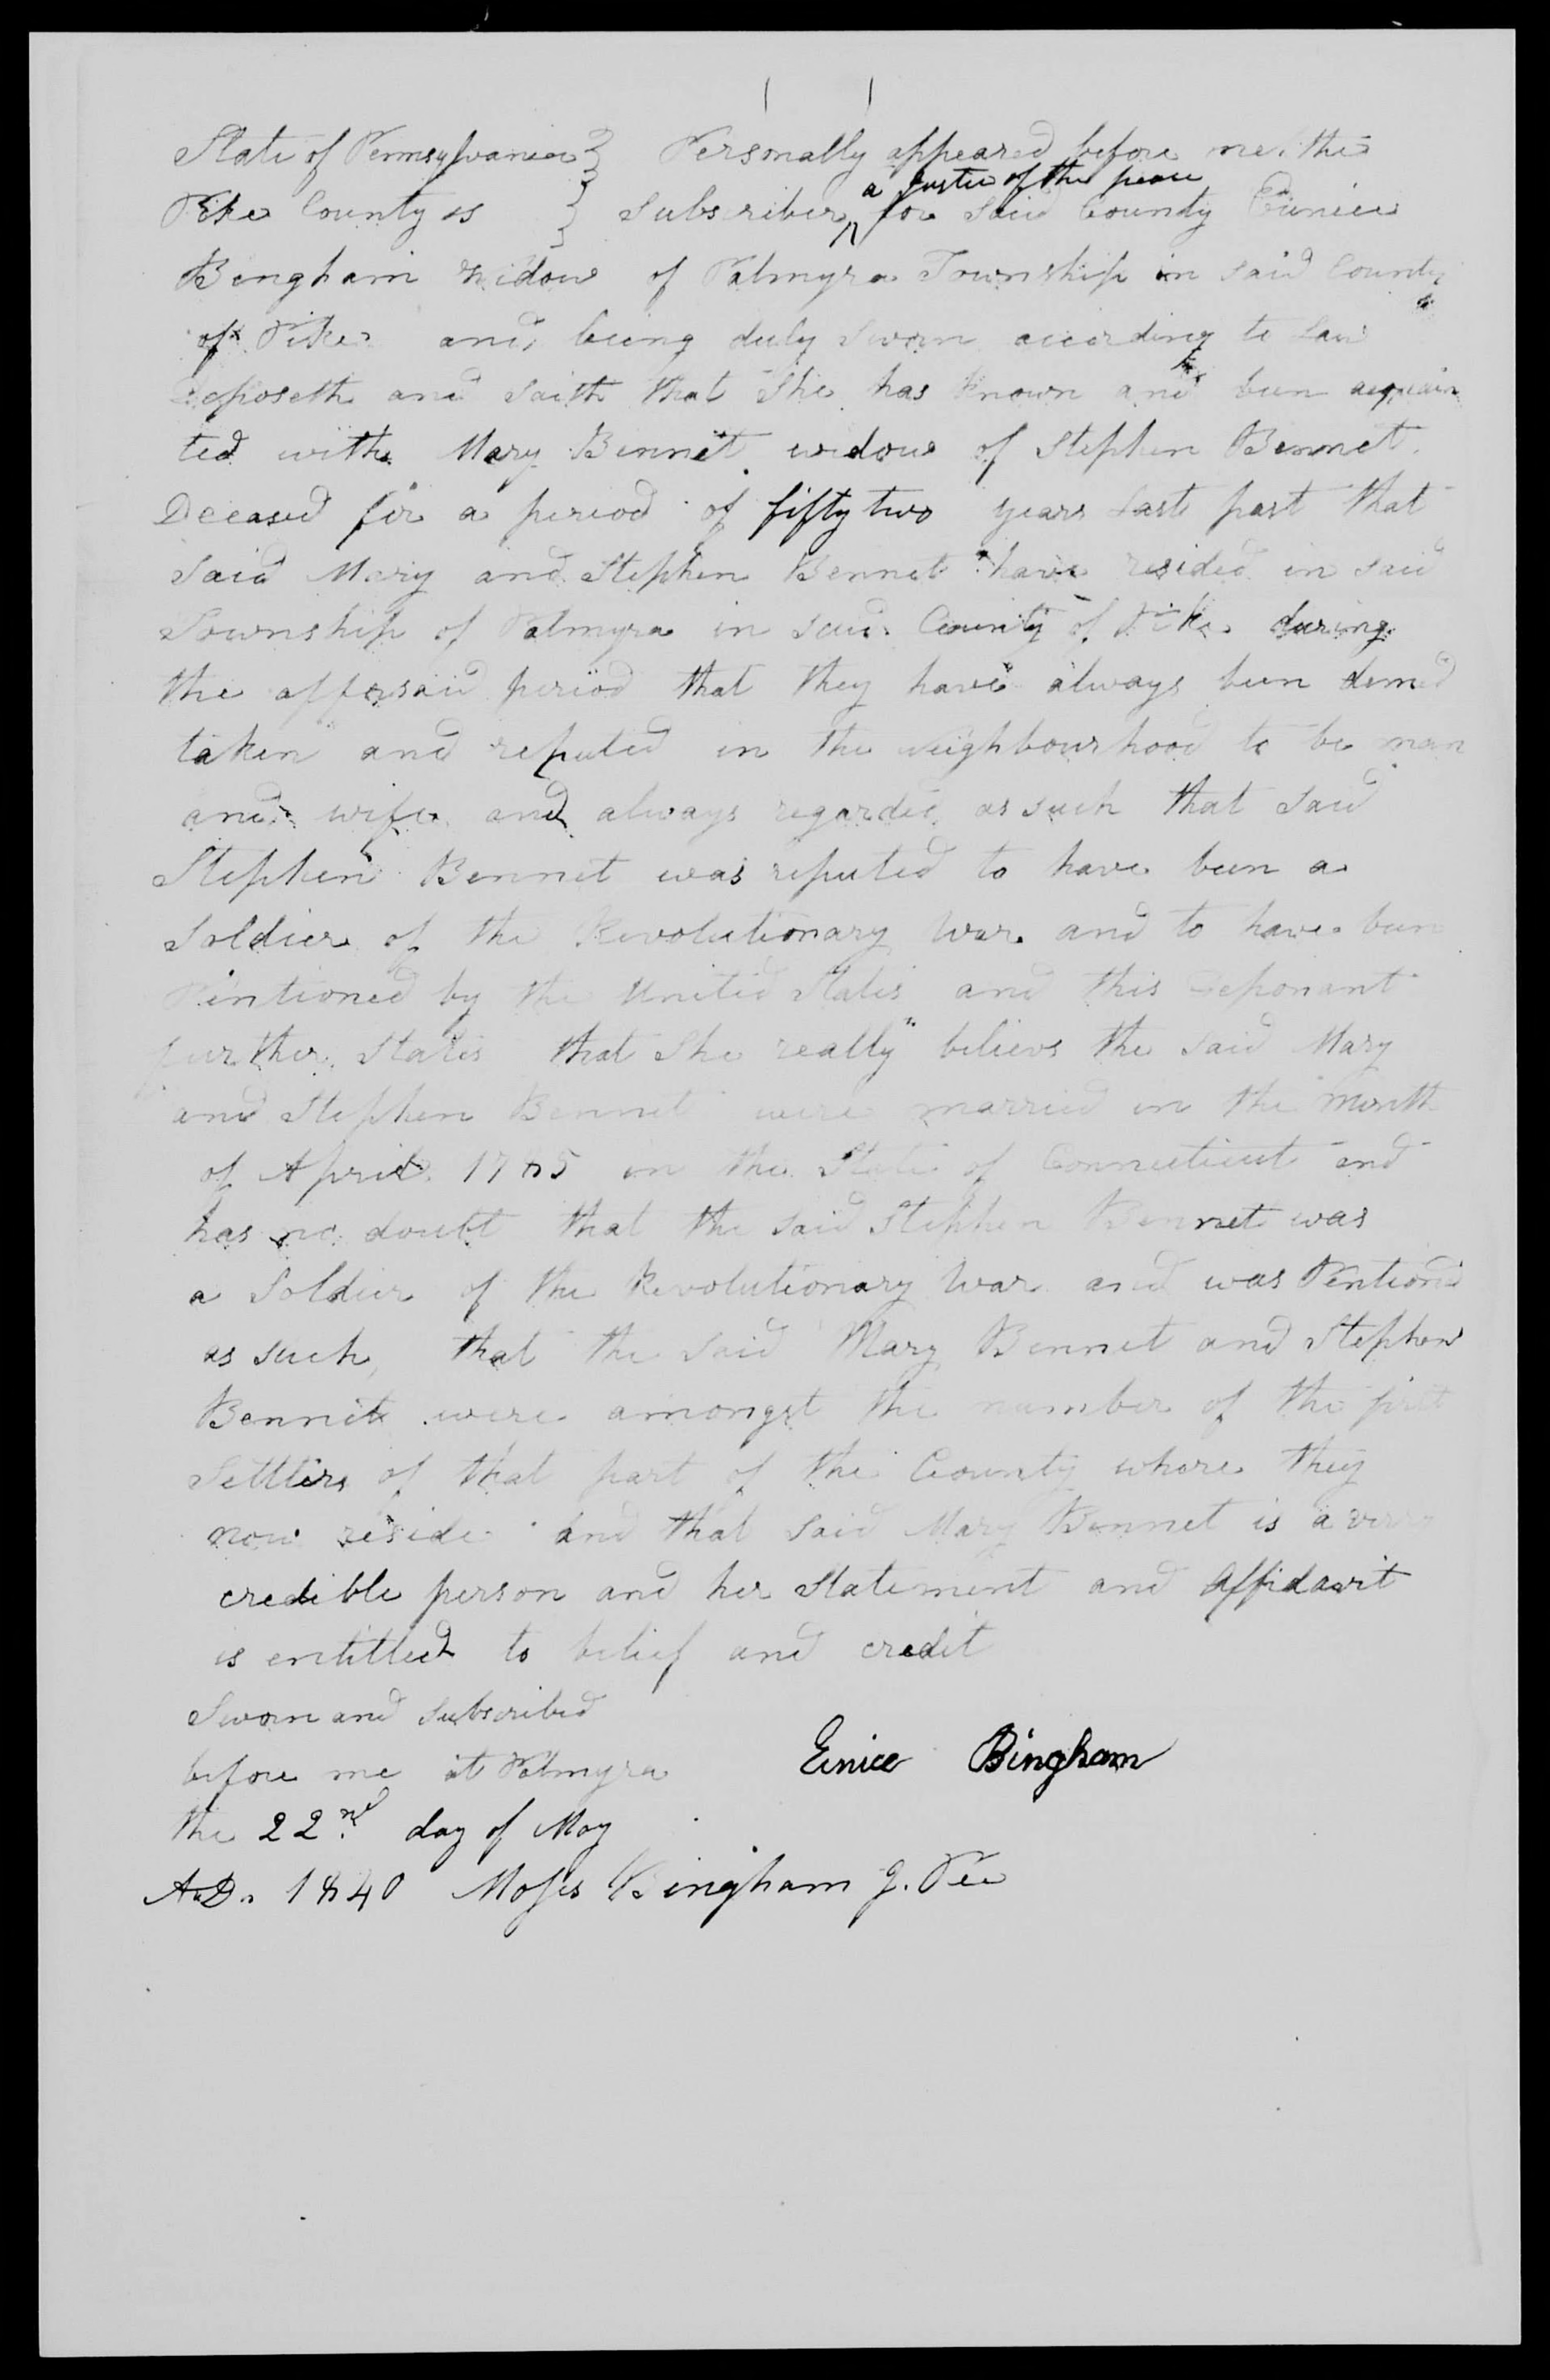State of Pennsylvania
Pike County ss.}
Personally appreared before me this subscriber a justice of the peace for said county 
Bingham Widow of Palmyra Township in said County
of Pike and being duly sworn according to law
Deposeth and saith that she has known and been acquainted with Mary Bennet widow of Stephen Bennet
Decased for a period of fifty two years last past that
said Mary and Stephen Bennet have resided in said
Township of Palmyra in said County of Pike during the
afforsaid period that they have always been lived
taken and reputed
in the neighbourhood to be man
and wife and always regarded as such that said
Stephen Bennet was reputed to have been a
Soldier of the Revolutionary war and to have been
mentioned by the United States and this deponant
further states that she really believe the said Mary
and Stephen Bennet were married in the month
of April, 1785 in the State of Connecticut and
has no doubt that the said Stephen Bennet was a
soldier of the Revolutionary war and was pensioned
as such
that the said Mary Bennet and Stephen
Bennet were amongst the number of the first
Settlers of that part of the County where they
now reside and that said Mary Bennet is a very
credible person and her statement and affidavit
is entitled to belief and credit
Sworn and Subscribed
before me at Palmyra
Unice Bingham
the 22nd day of May
A.D. 1840 Moses Bingham J. Pee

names: Mary Bennet, Moses Bingham, Eunice Bingham, Stephen Bennet, Stephen Bennet, Stephen Bennet, Eunice Bingham, Mary Bennet, Mary Bennet, Stephen Bennet, Mary Bennet, Stephen Bennet, Mary Bennet, Stephen Bennet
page: 37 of 79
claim: widow's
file: W. 2,906, Stephen Bennet, Conn.